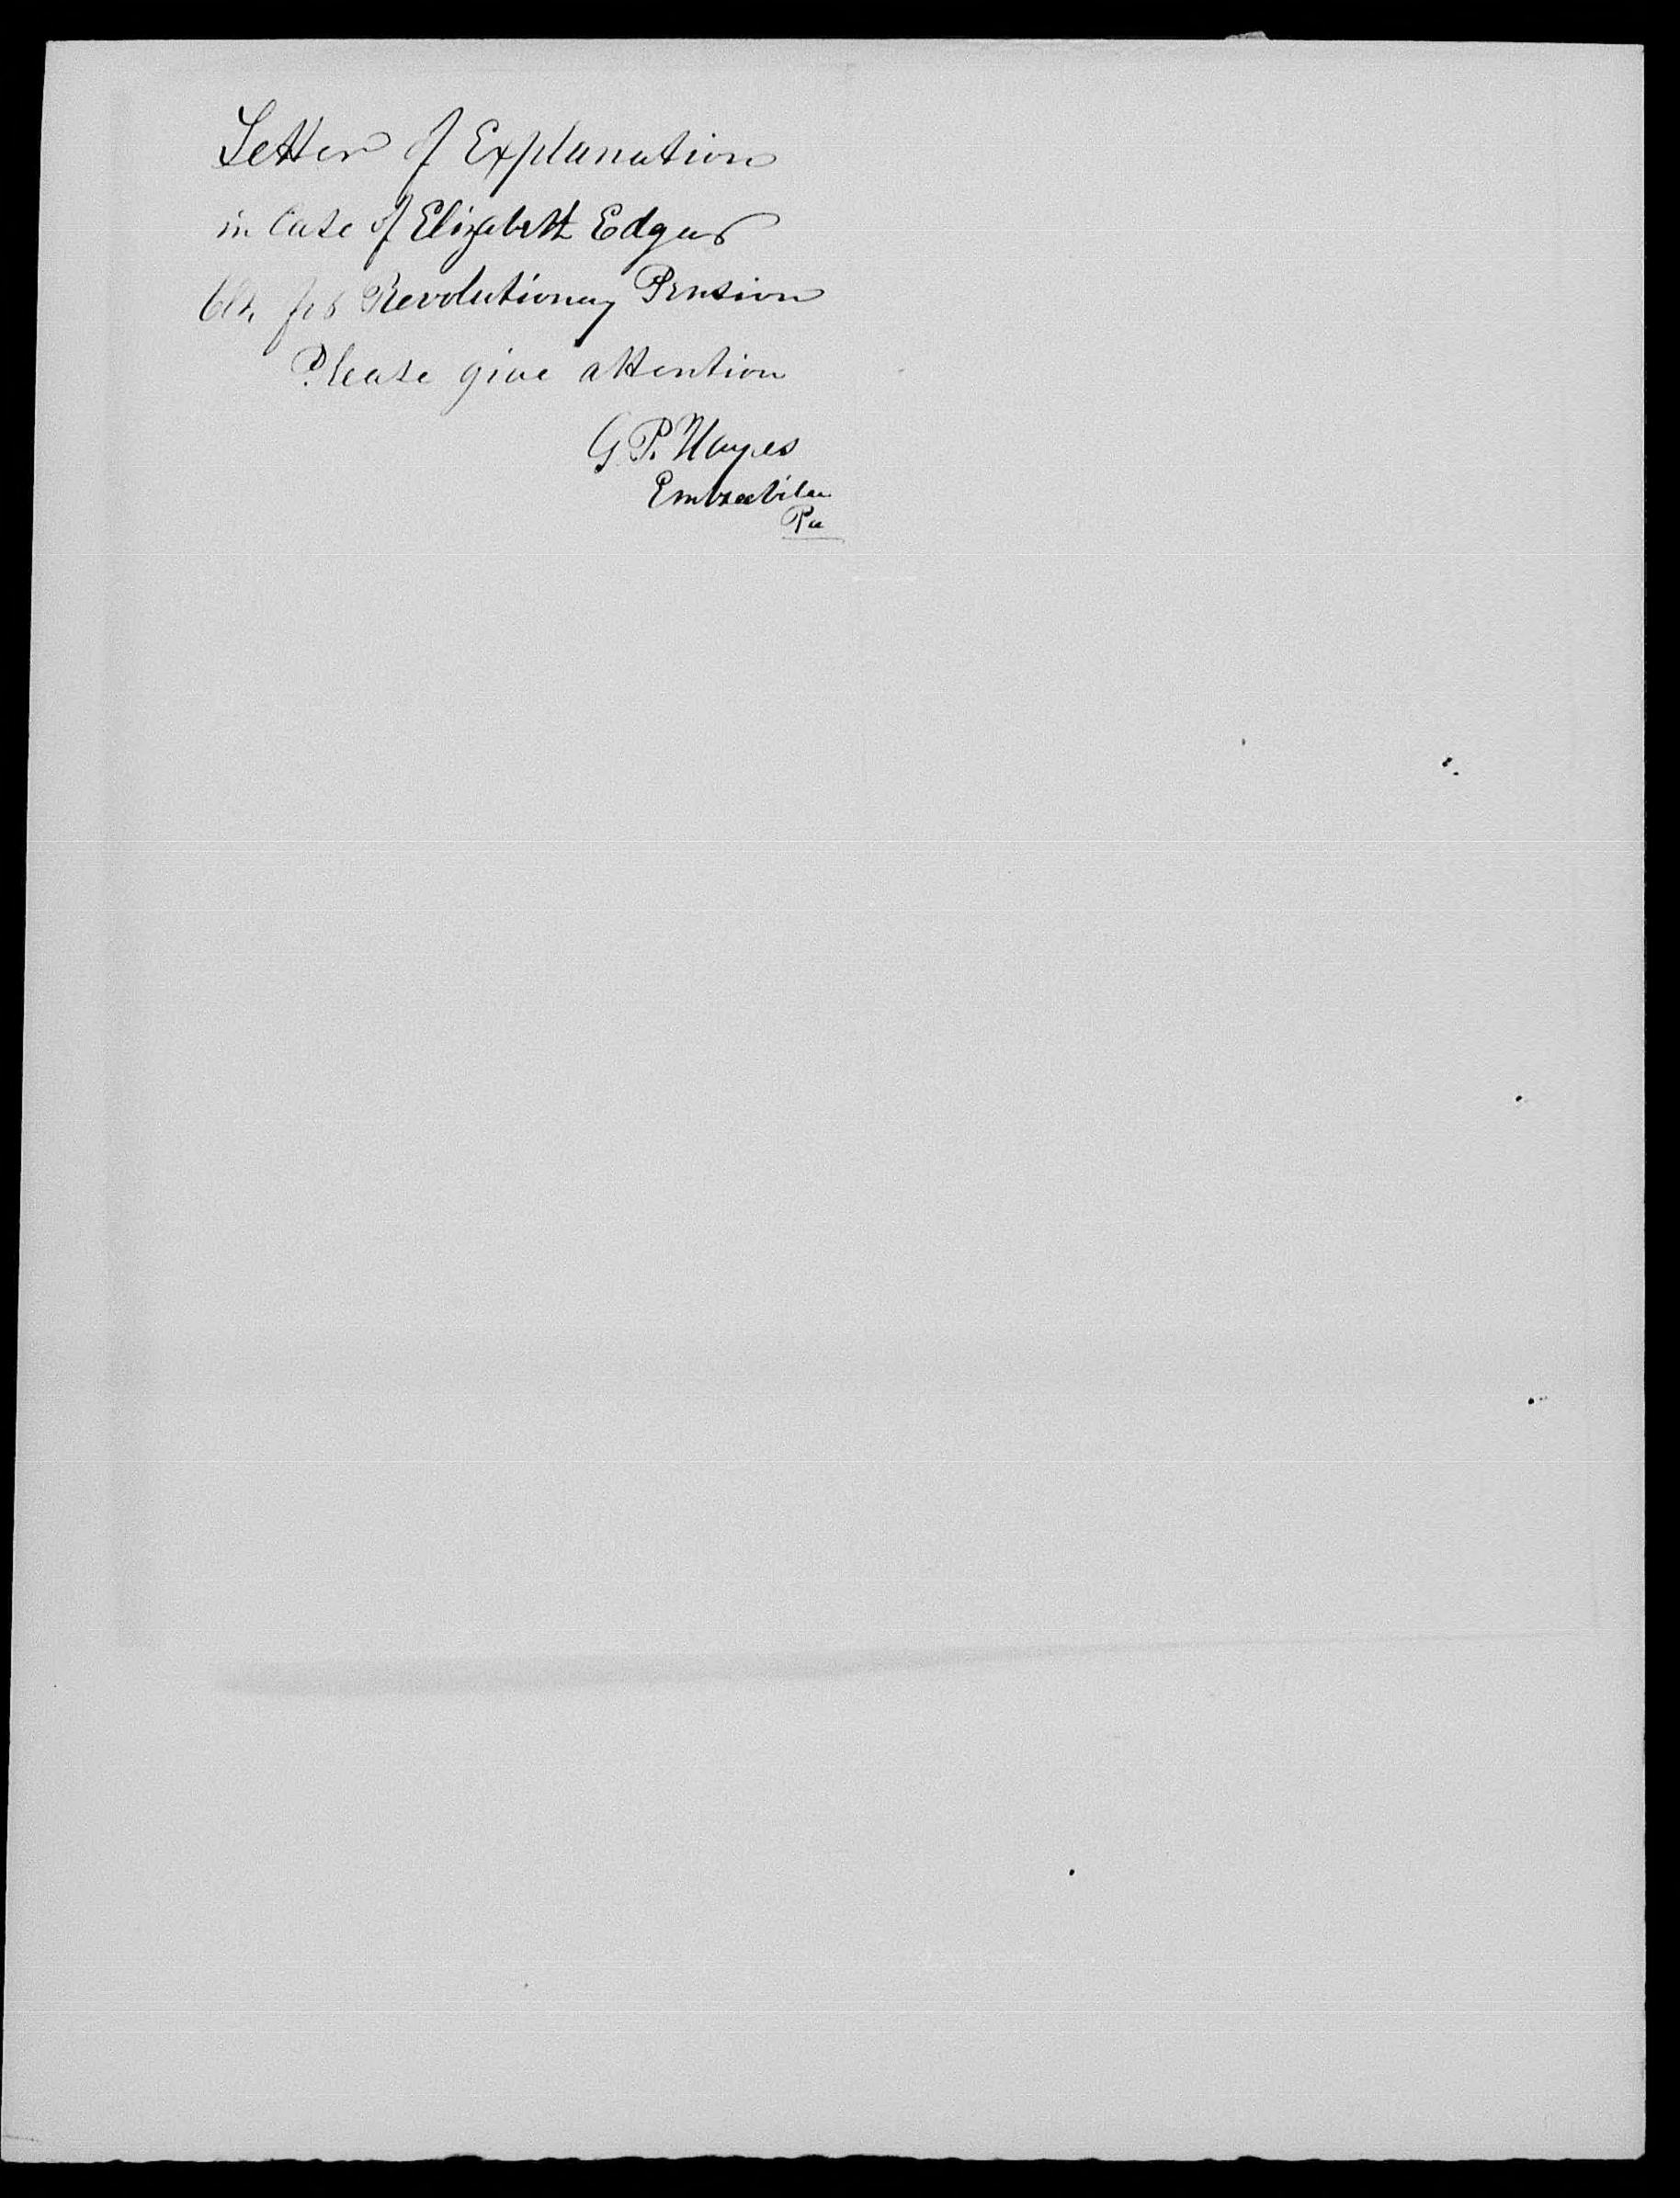Letter of Explanation
in case of Elizabeth Edgar
Clk for Revolutionary Pension
Please give attention
G.P. Hayes
Embreeville
Pa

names: G P Hayes, Elizabeth Edgar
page: 44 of 74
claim: widow's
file: W. 9422, James Edgar, Penn.